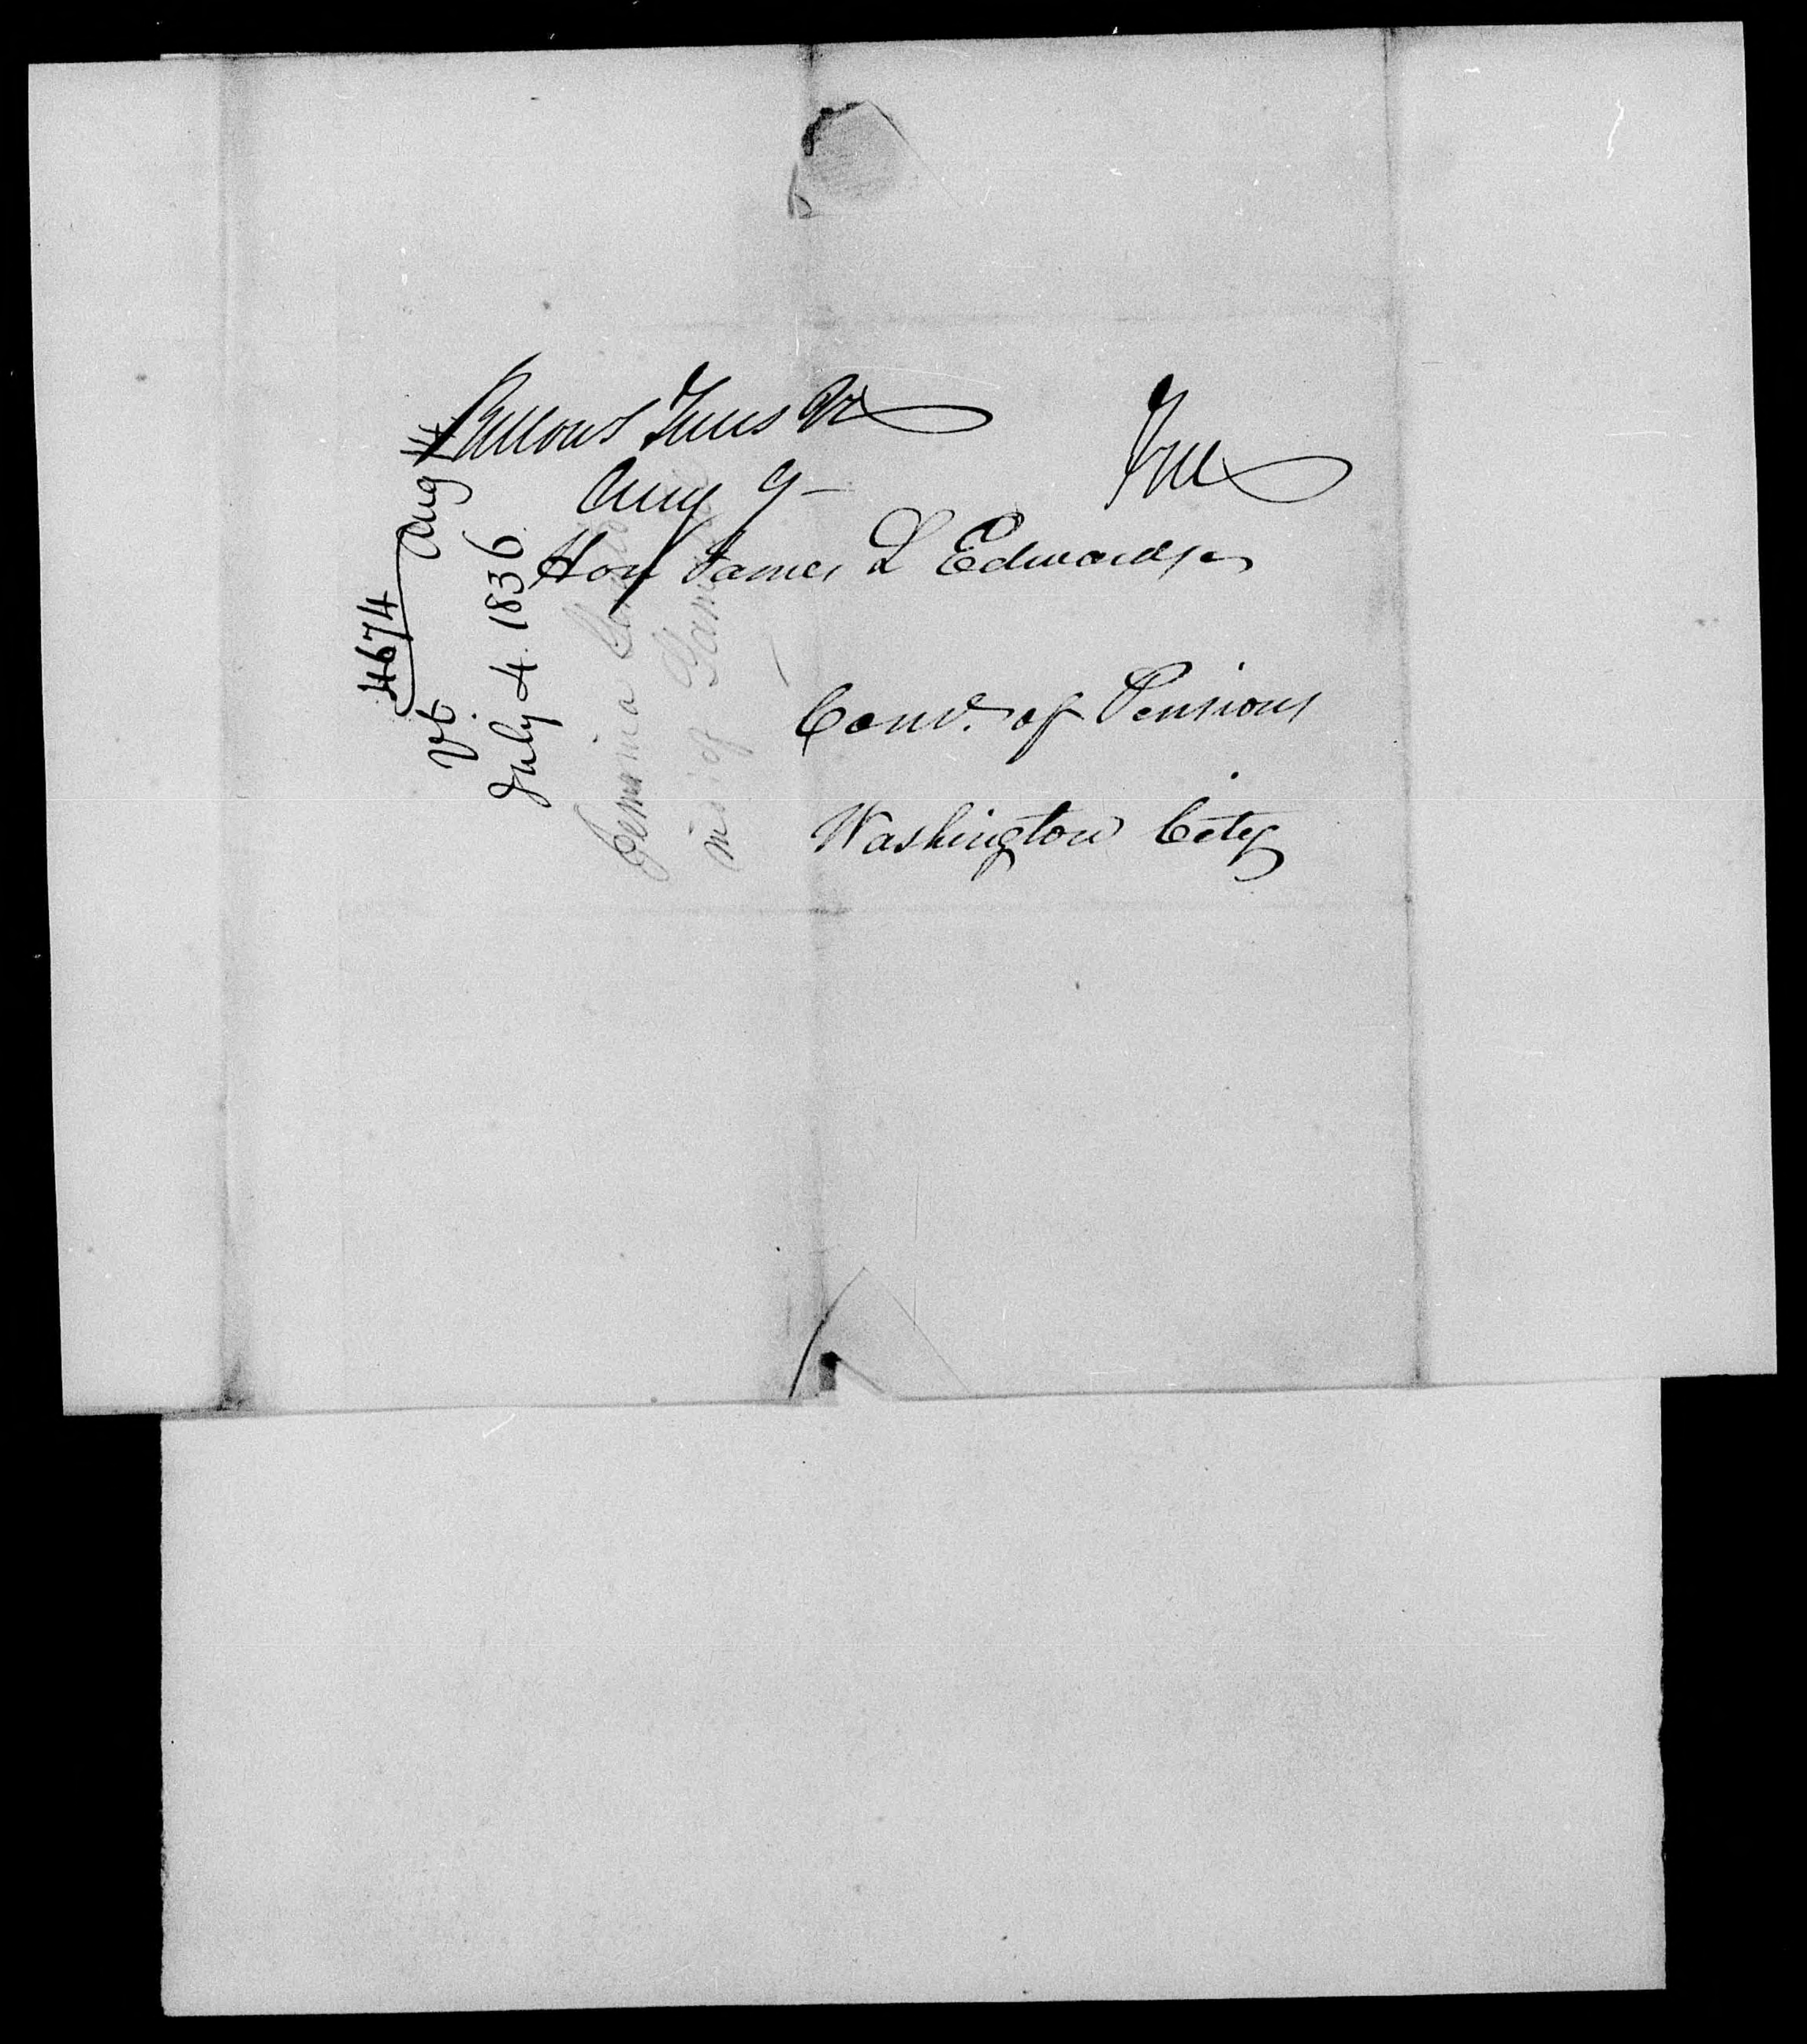Bellows Falls Vt
Aug 9
Hon James L Edwards
Come of Pensions 
Washington City

4674
Vt Aug
July 4 1836

Jemima Gerald
wid of Gamaliel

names: James L Edwards, Gamaliel Gerald, Jemima Gerald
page: 23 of 26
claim: widow's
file: W. 25619, Gamaliel Gerald, Mass.